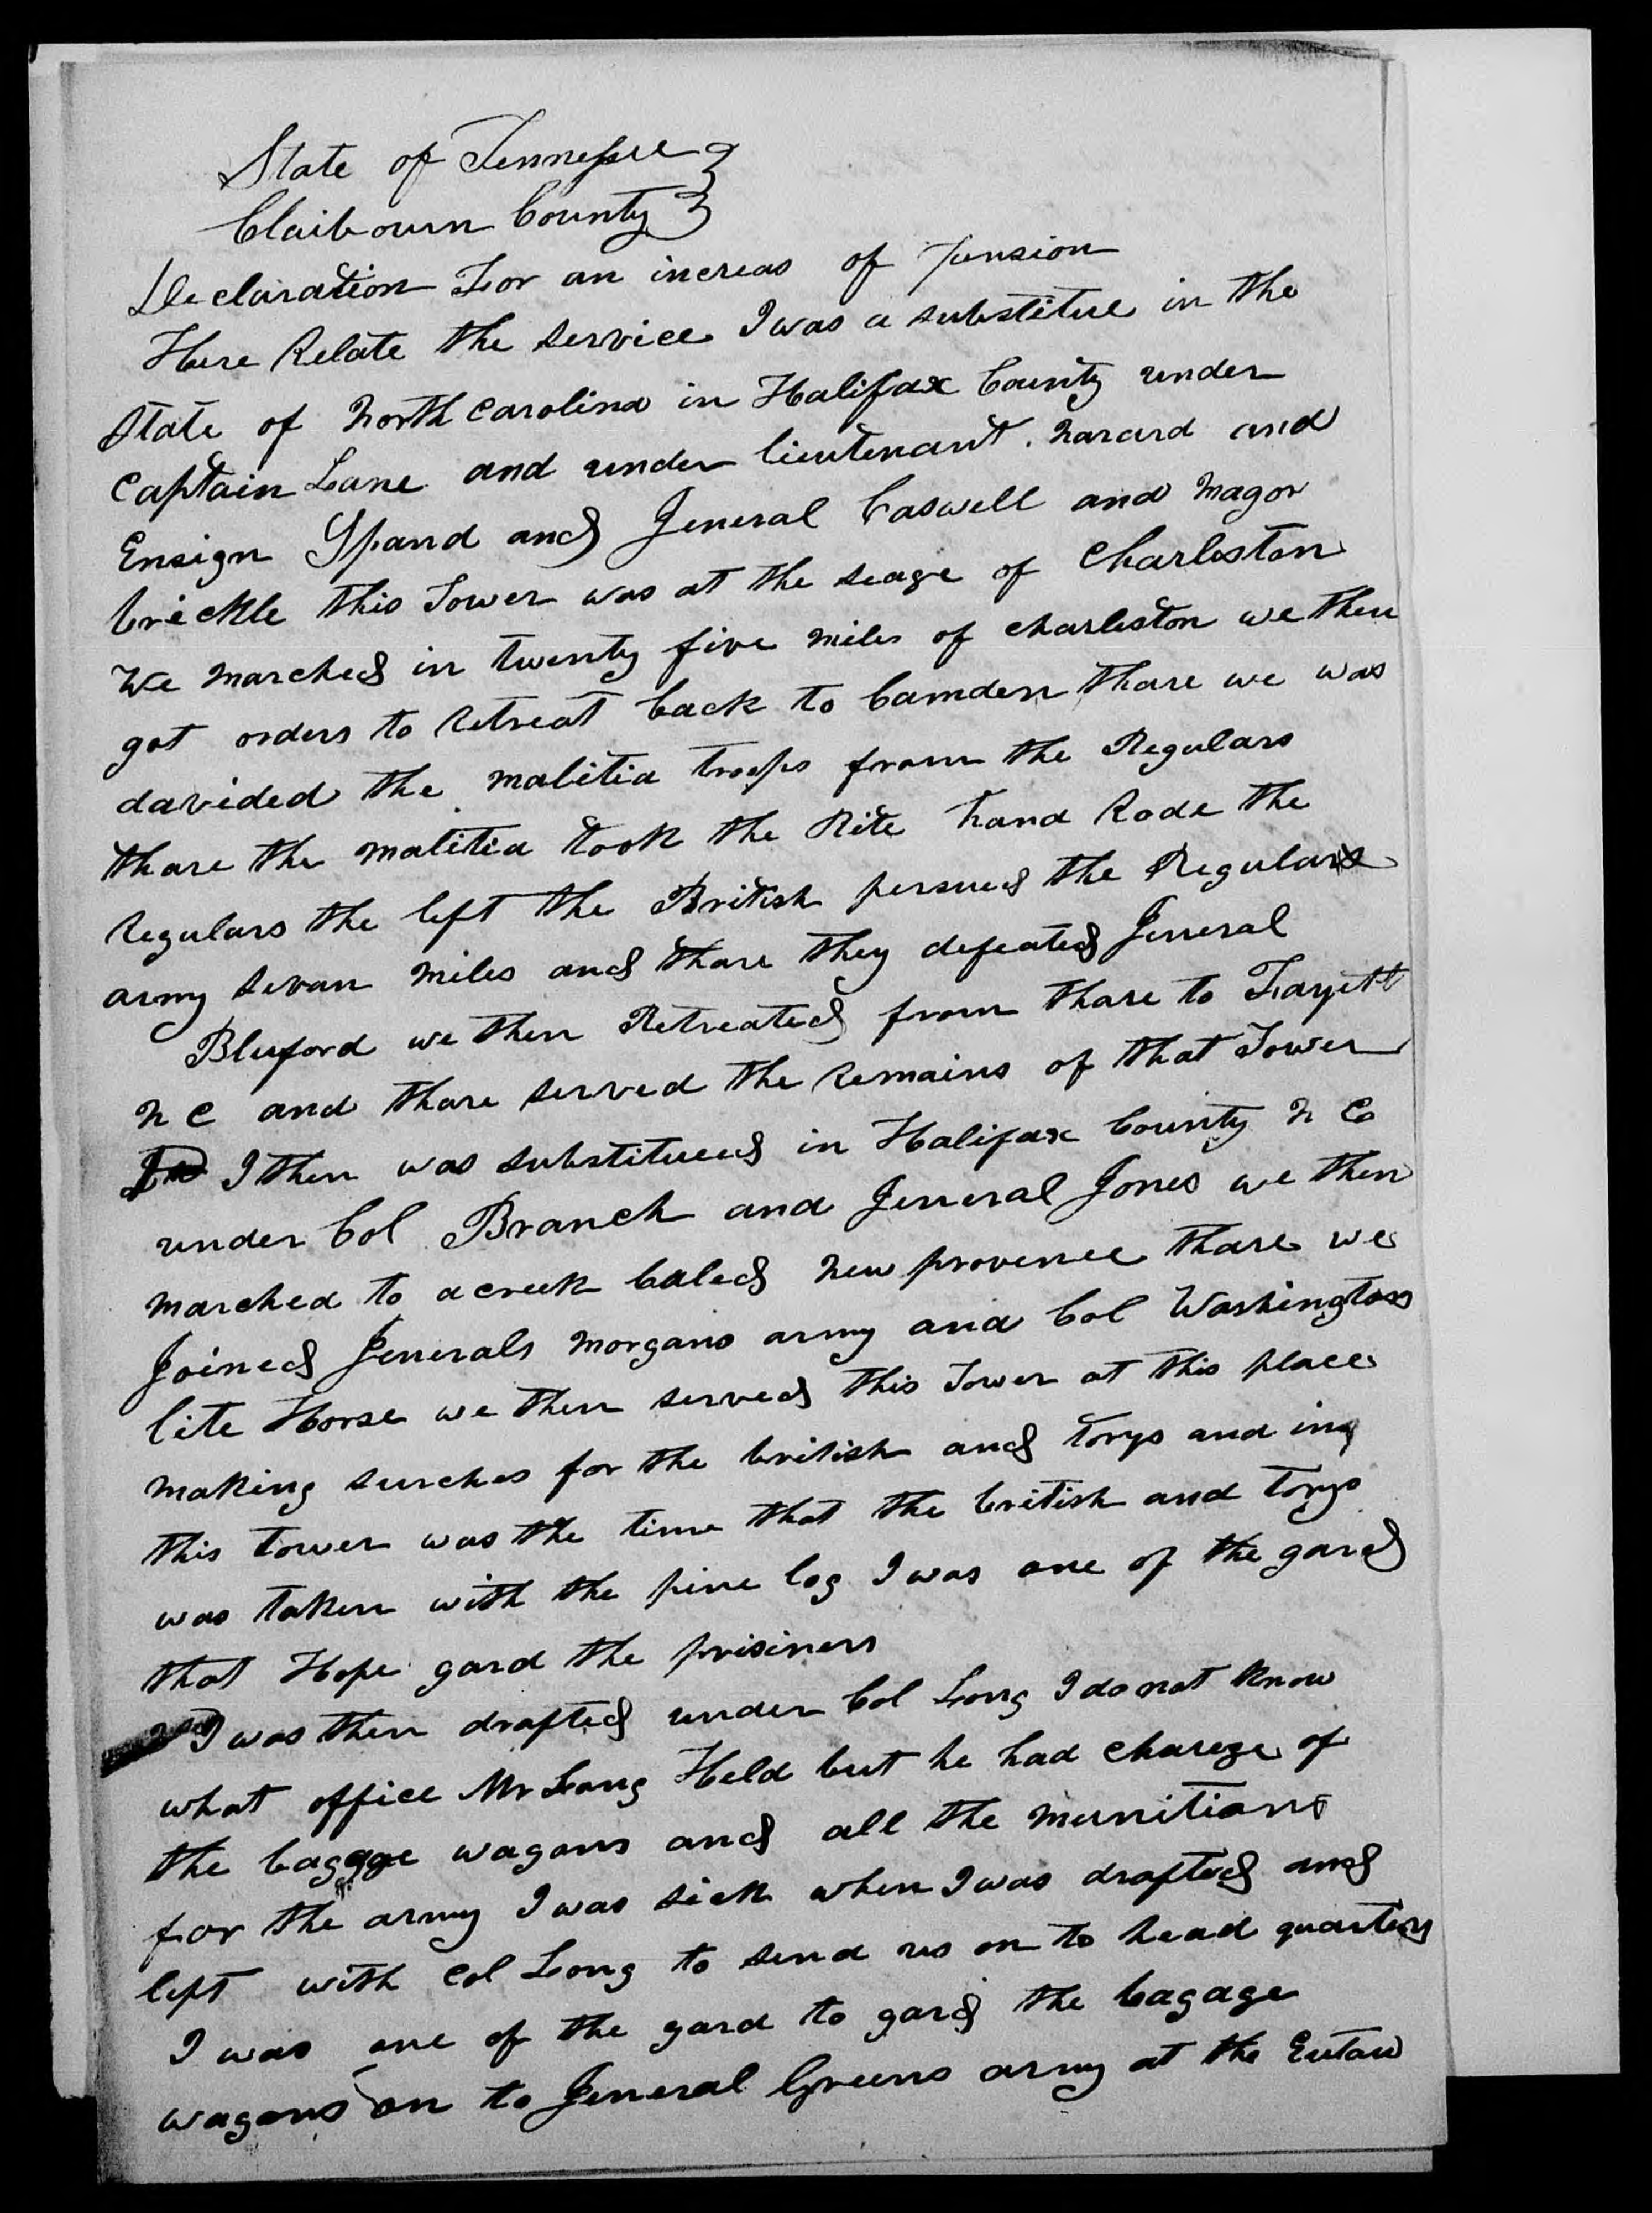State of Tennessee ⎬
Claiborn County
Declaration for an increase of pension
Here Relate the service I was a substitue in the
State of North Carolina in Halifax County under
Captain Lane and under lieutenant Narard and
Ensign Spand and General Caswell and Magor [Major] 
brickle this Tower was at the siege of
Charleston
we marched in twenty five miles of Charleston we then
got orders to retreat back to Camden there we was
divided the malitia troops from the Regulars
there the malitia took the Rite hand Rode the
Regulars the left the British persued the regulars
army seven miles and thare they defeated General
Bluford we then Retreated from those to Fayett [Fayette]
NC and thare served the remains of that tower [tour]
I then was substitutes in Halifax County NC
under Col Branch and General Jones we then
marched to a creek called New provence [providence] there we
Joined General Morgans army and Col Washington
lite Horse we then served this Tower [tour] at this place
making surches for the british and torys and in
this tower [tour] was the time that the british and torys
was taken with the pine log I was one of the gards [guards]
that Hope [help] gard the prisoners
I was then drafted under Col Long I do not know
what office Mr Long Held but he had charge of
the baggage wagons and all the munitions
for the army I was sick when I was drafted and
left with Col long to send us on to head quarters
I was one of the gard to gard the baggage
wagons on to General Greens army at the Eutaw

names: Bluford, Branch, Narard, Long, Spand, Long, Brickle, Caswell, Long, Jones, Lane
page: 60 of 81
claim: survivor's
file: S. 1908, Richard Harper, N.C.